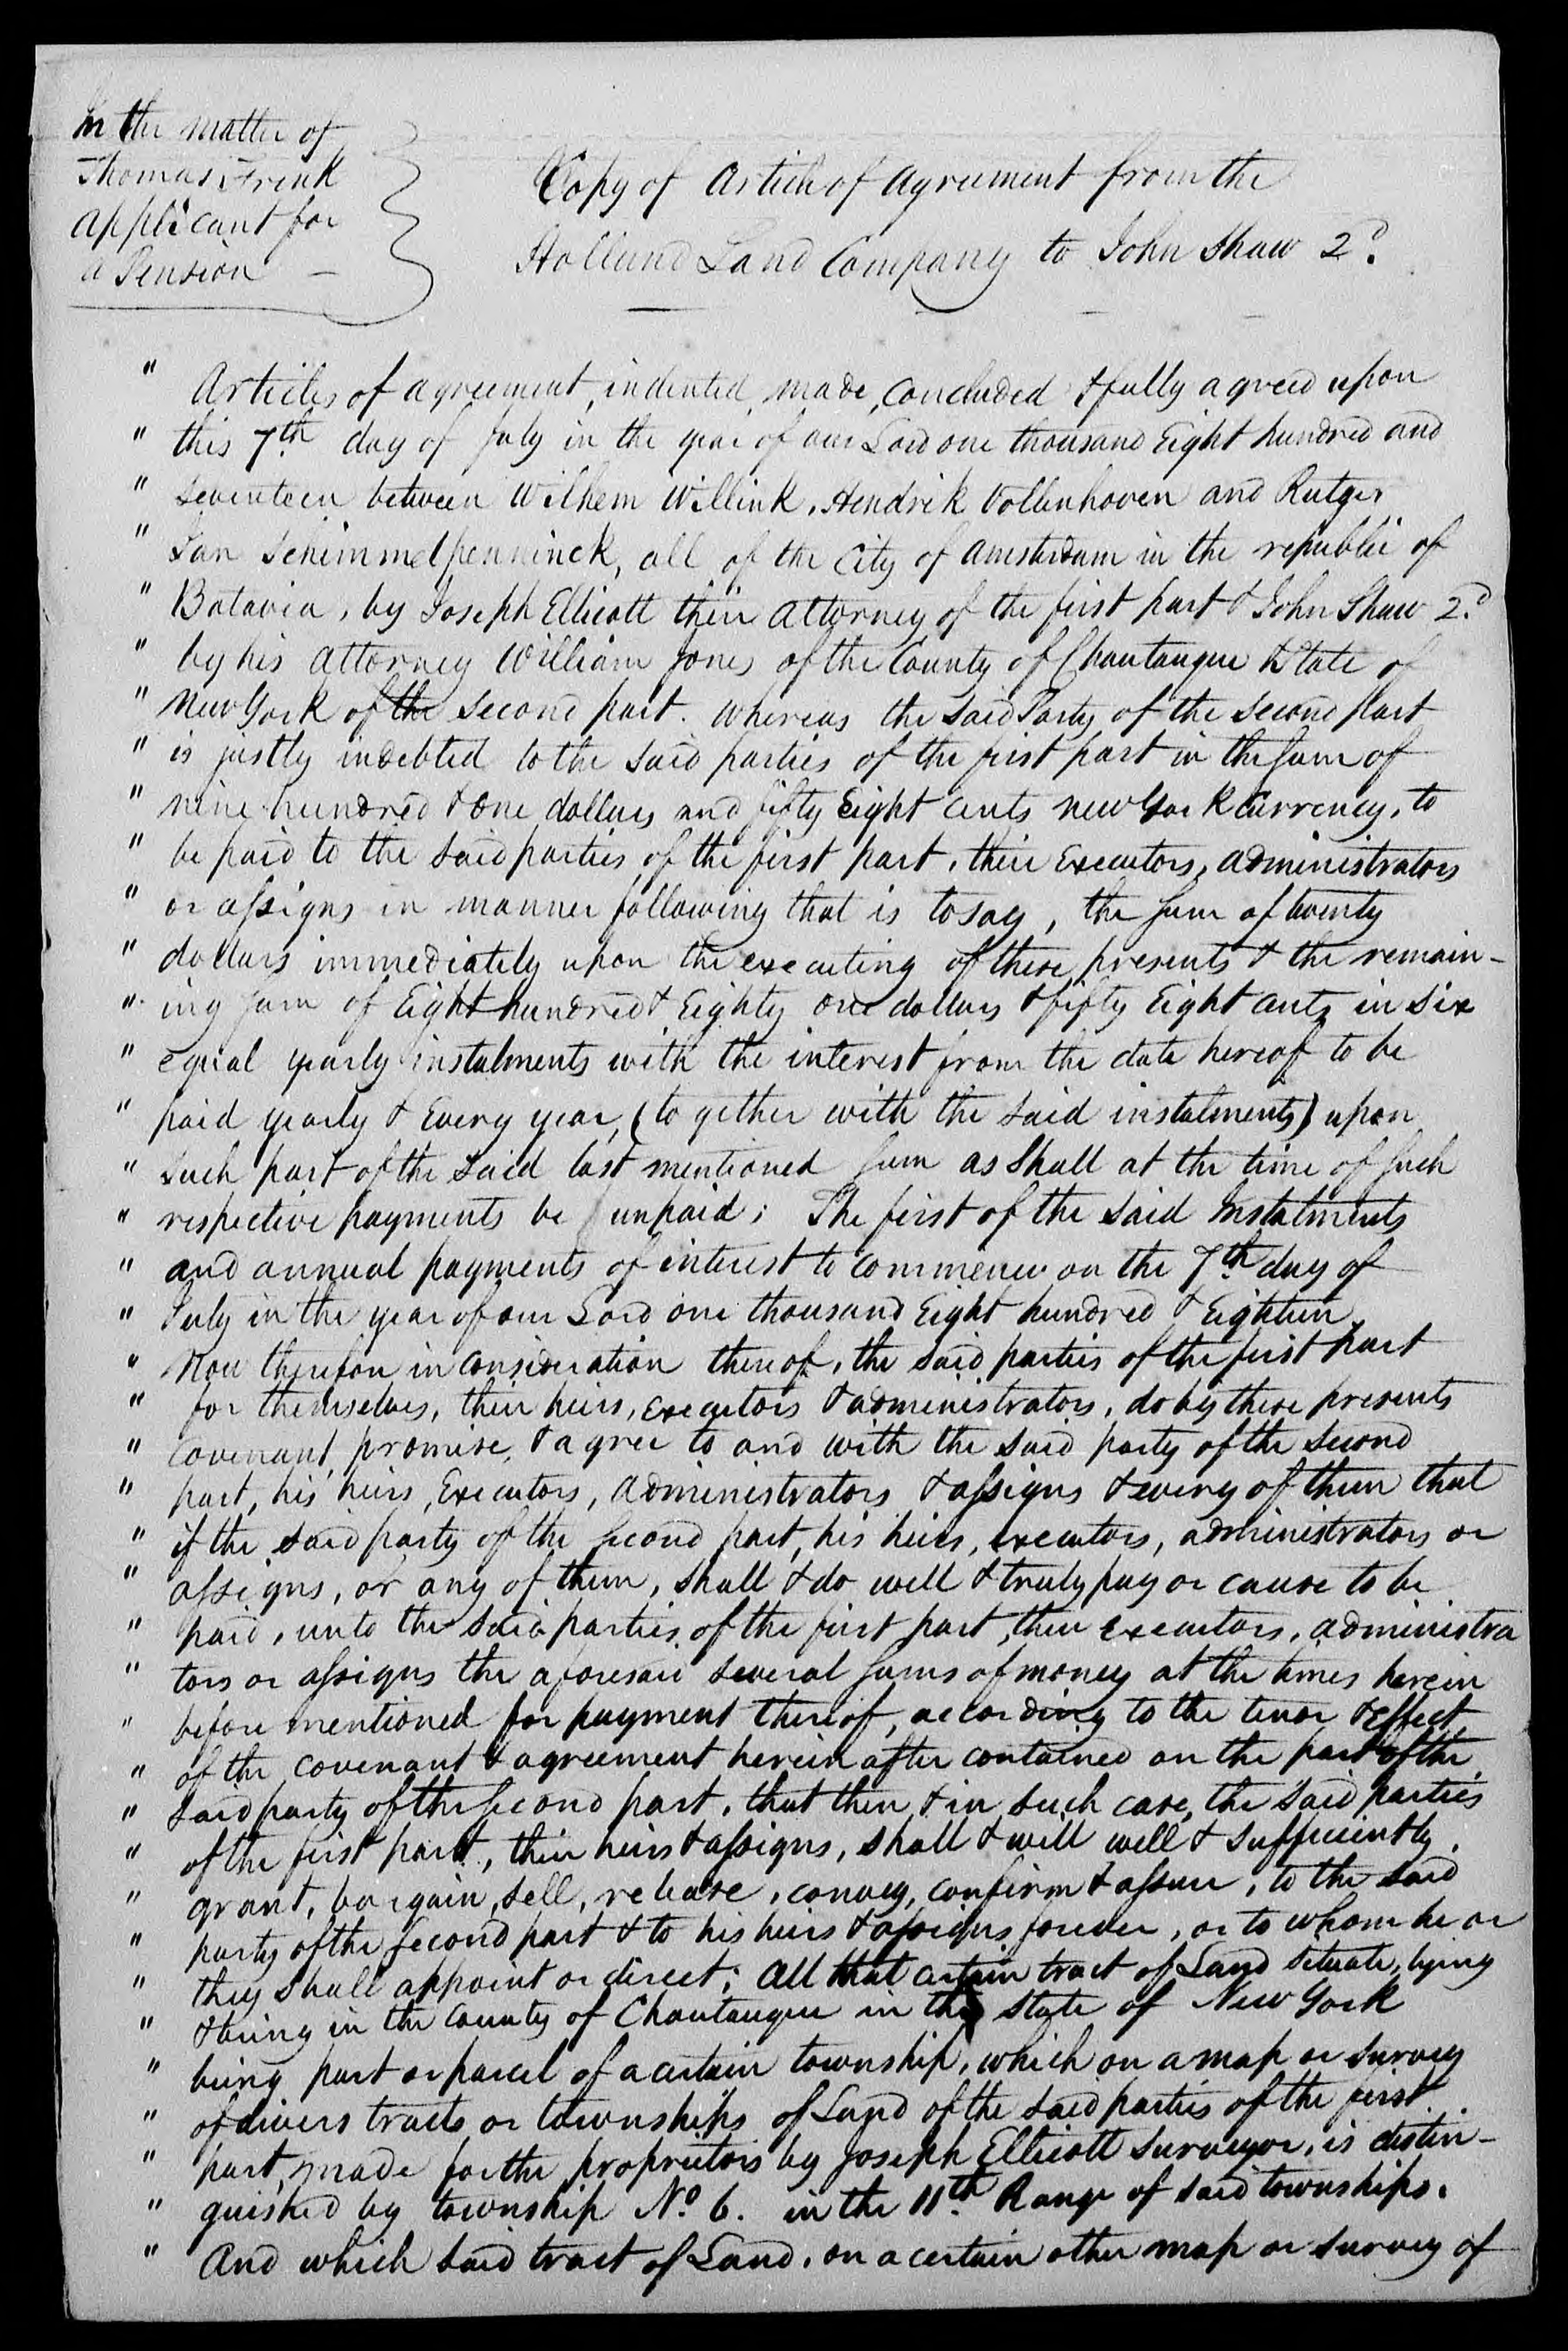in the matter of Thomas Frink applicant for Pension 

Copy of Article of agreement from the Holland Land Company to John Shaw 2d 

Articles of agreement indented made concluded & fully agreed upon this 7th day of July in the year of our Lord one thousand eight hundred and seventeen between Wilhem Willink, Hendrik Vollenhoven, and Rutger Jan Schimmelpenninck, all of the City of Amsterdam in the republic of Batavia, by Joseph Ellicott their attorney of the first part & John Shaw 2d by his attorney William Jones of the County of Chautauqua State of New York of the second part. Whereas the said party of the second part is justly indebted to the said parties of the first part in the sum of nine hundred & one dollars and fifty eight unto New York currency, to be paid to the said parties of the first part, their executors, administrators or assigns in manner following that is to say, the sum of twenty dollars immediately upon the executing of these presents & the remain =ing sum of Eight hundred & Eighty one dollars & fifty Eight and in six equal yearly instalments with the interest from the date hereof to be paid yearly & every year, (together with the said instalments) upon such part of the said last mentioned sum as shall at the time of such respective payments be unpaid; The first of the said Instalments of and annual payments of interest to commence on the 7th day of " July in the year of our Lord one thousand eight hundred & eighteen, Now therefore, in consideration thereof, the said parties of the first part for themselves, their heirs, Executors & administrators, do by these presents ┃ covenant promise & agree to and with the said party of the second part, his heirs, Executors, administrators & assigns & every of them that of the said party of the second part, his heirs, executors, administrators or assigns, or any of them, shall & do well & truly pay or cause to be paid, unto the said parties of the first part, their executors, administrators or assigns the aforesaid several sums of money at the times herein before mentioned for payment thereof, according to the tenor & effect of the covenant & agreement herein after contained on the part of the said party of the second part, that then & in such case the said parties of the first part, their heirs & assigns, shall & will well & sufficiently grant, bargain sell, release, convey, confirm & assure, to the said party of the second part & to his heirs & assigns forever, or to whom he or they shall appoint or direct; all that certain tract of Land situate, lying being in the County of Chautauqua in the State of New York being part or parcel of a certain township, which on a map or survey of divers tracts or townships of Land of the said parties of the first part, made for the proprietors by Joseph Ellicott Surveyor is distinguished by township No 6. in the 11th Range of said townships and which said tract of Land, on a certain other map or survey of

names: Joseph Ellicott, Wilhem Willink, Hendrik Vollenhoven, William Jones, Thomas Frink, John Shaw, John Shaw, Joseph Ellicott, Rutger Jan Schimmelpenninck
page: 16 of 33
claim: survivor's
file: S 43571, Thomas Frink, Mass.